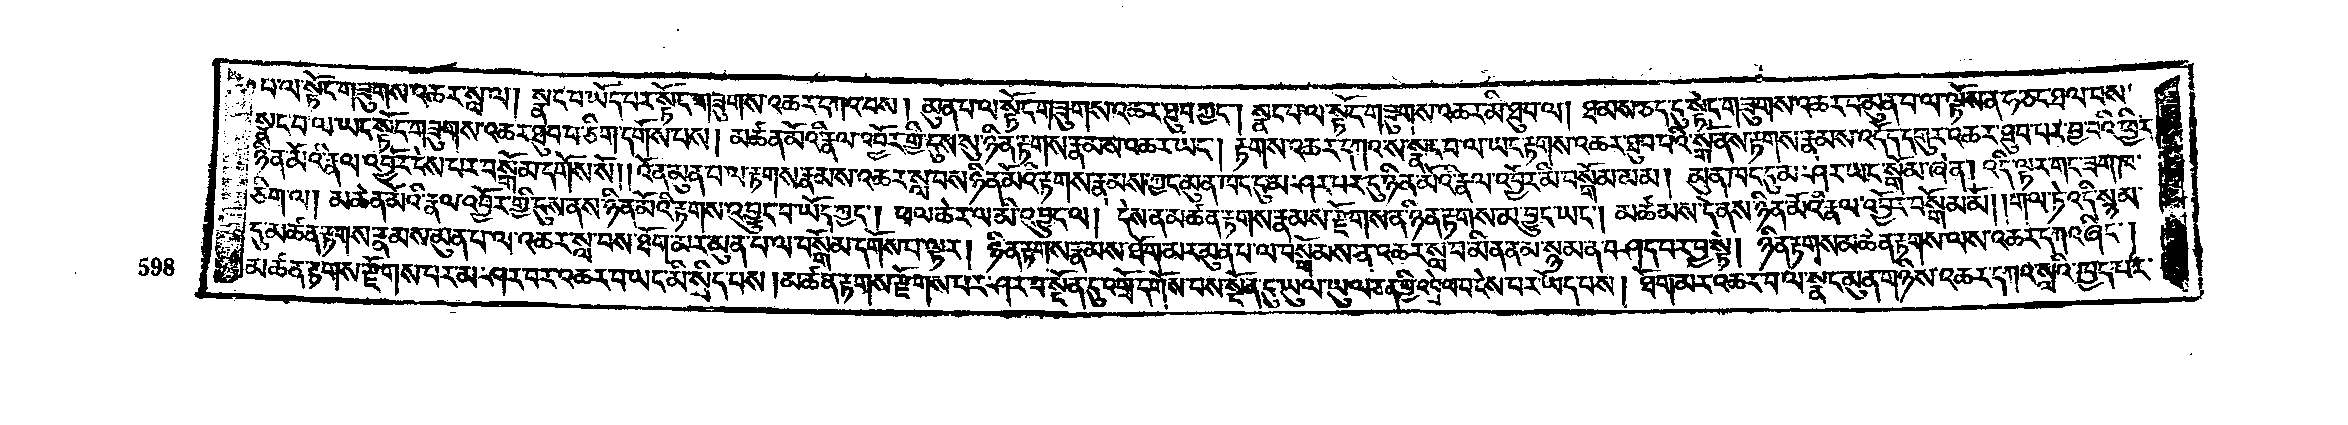པ་ལ་སྟོང་གཟུགས་འཆར་སླ་ལ། སྣང་བ་ཡོད་པར་སྟོང་གཟུགས་འཆར་དཀའ་བས། མུན་པ་ལ་སྟོང་གཟུགས་འཆར་ཐུབ་ཀྱང་། སྣང་བ་ལ་སྟོང་གཟུགས་འཆར་མི་ཐུབ་ལ། ཐམས་ཅད་དུ་སྟོང་གཟུགས་འཆར་བ་མུན་པ་ལ་ལྟོས་ན་ཧ་ཅང་ཐལ་བས་
སྣང་བ་ལ་ཡང་སྟོང་གཟུགས་འཆར་ཐུབ་པ་ཅིག་དགོས་པས། མཚན་མོའི་རྣལ་འབྱོར་གྱི་དུས་སུ་ཉིན་རྟགས་རྣམས་འཆར་ཡང་། རྟགས་འཆར་དཀའ་ས་སྣང་བ་ལ་ཡང་རྟགས་འཆར་ཐུབ་པའི་སྒོ་ནས་རྟགས་རྣམས་འདོད་དགུར་འཆར་ཐུབ་པར་བྱ་བའི་ཕྱིར་
ཉིན་མོའི་རྣལ་འབྱོར་ངེས་པར་བསྒོམ་དགོས་སོ། །འོ་ན་མུན་པ་ལ་རྟགས་རྣམས་འཆར་སླ་བས་ཉིན་མོའི་རྟགས་རྣམས་ཀྱང་མུན་ཁང་དུ་མ་ཤར་པར་དུ་ཉིན་མོའི་རྣལ་འབྱོར་མི་བསྒོམ་མམ། མུན་ཁང་དུ་མ་ཤར་ཡང་སྒོམ་ཞེ་ན། འདི་ལྟར་གང་ཟག་ཁ་
ཅིག་ལ། མཚན་མོའི་རྣལ་འབྱོར་གྱི་དུས་ནས་ཉིན་མོའི་རྟགས་འབྱུང་བ་ཡོད་ཀྱང་། ཕལ་ཆེར་ལ་མི་འབྱུང་ལ། དེས་ན་མཚན་རྟགས་རྣམས་རྫོགས་ན་ཉིན་རྟགས་མ་བྱུང་ཡང་། མཚམས་དེ་ནས་ཉིན་མོའི་རྣལ་འབྱོར་བསྒོམ་མོ། །གལ་ཏེ་འདི་སྙམ་
དུ་མཚན་རྟགས་རྣམས་མུན་པ་ལ་འཆར་སླ་བས་ཐོག་མར་མུན་པ་ལ་བསྒོམ་དགོས་པ་ལྟར། ཉིན་རྟགས་རྣམས་ཐོག་མར་མུན་པ་ལ་བསྒོམས་ན་འཆར་སླ་བ་མིན་ནམ་སྙམ་ན་བཤད་པར་བྱ་སྟེ། ཉིན་རྟགས་མཚན་རྟགས་ལས་འཆར་དཀའ་ཞིང་།
མཚན་རྟགས་རྫོགས་པར་མ་ཤར་བར་འཆར་བ་ཡང་མི་སྲིད་པས། མཚན་རྟགས་རྫོགས་པར་ཤར་བ་སྔོན་དུ་འགྲོ་དགོས་པས་སྔོན་དུ་ཡུལ་ཡུལ་ཅན་གྱི་འབྲེལ་པ་ངེས་པར་ཡོད་པས། ཐོག་མར་འཆར་བ་ལ་སྣང་མུན་གཉིས་འཆར་དཀའ་སླའི་ཁྱད་པར་